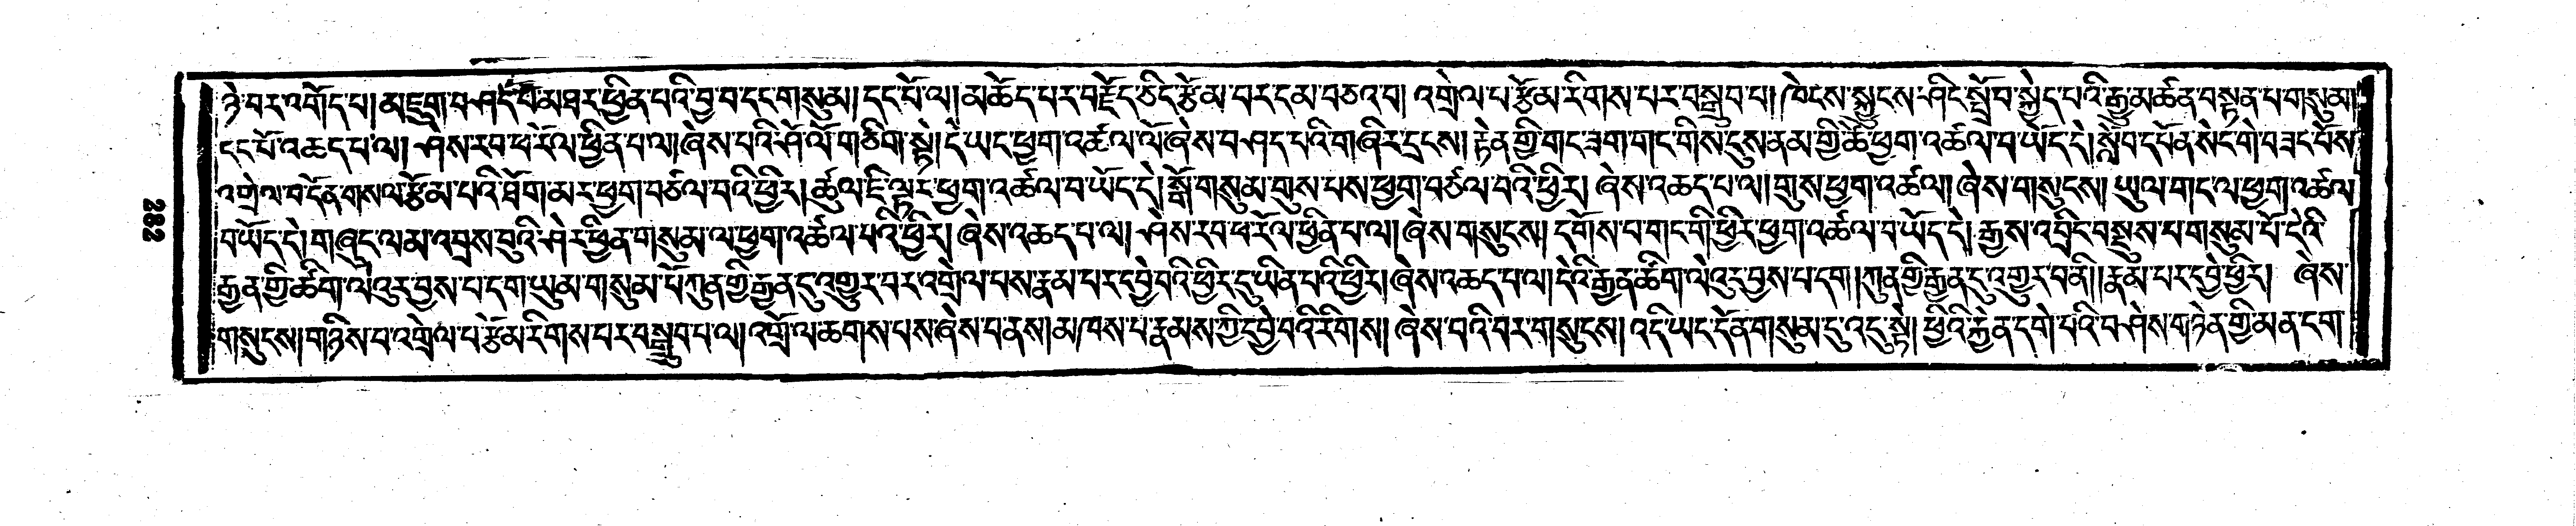ཉེ་བར་འགོད་པ། མཇུག་བཤད་པ་མཐར་ཕྱིན་པའི་བྱ་བ་དང་གསུམ། དང་པོ་ལ། མཆོད་པར་བརྗོད་ཅིང་རྩོམ་པར་དམ་བཅའ་བ། འགྲེལ་པ་རྩོམ་རིགས་པར་བསྒྲུབ་པ། ཁེངས་སྐྱུངས་ཤིང་སྤྲོ་བ་སྐྱེད་པའི་རྒྱུ་མཚན་བསྟན་པ་གསུམ།
དང་པོ་འཆད་པ་ལ། ཤེས་རབ་ཕ་རོལ་ཕྱིན་པ་ལ། ཞེས་པའི་ཤོ་ལོ་གཅིག་སྟེ། དེ་ཡང་ཕྱག་འཚལ་ལོ་ཞེས་བཤད་པའི་གཞིར་དྲངས། རྟེན་གྱི་གང་ཟག་གང་གིས་དུས་ནམ་གྱི་ཚེ་ཕྱག་འཚལ་བ་ཡོད་དེ། སློབ་དཔོན་སེང་གེ་བཟང་པོས་
འགྲེལ་པ་དོན་གསལ་རྩོམ་པའི་ཐོག་མར་ཕྱག་བཙལ་བའི་ཕྱིར། ཚུལ་ཇི་ལྟར་ཕྱག་འཚལ་བ་ཡོད་དེ། སྒོ་གསུམ་གུས་པས་ཕྱག་བཙལ་བའི་ཕྱིར། ཞེས་འཆད་པ་ལ། གུས་ཕྱག་འཚལ། ཞེས་གསུངས། ཡུལ་གང་ལ་ཕྱག་འཚལ་
བ་ཡོད་དེ། གཞུང་ལམ་འབྲས་བུའི་ཤེར་ཕྱིན་གསུམ་ལ་ཕྱག་འཚལ་བའི་ཕྱིར། ཞེས་འཆད་པ་ལ། ཤེས་རབ་ཕ་རོལ་ཕྱིན་པ་ལ། ཞེས་གསུངས། དགོས་པ་གང་གི་ཕྱིར་ཕྱག་འཚལ་བ་ཡོད་དེ། རྒྱས་འབྲིང་བསྡུས་པ་གསུམ་པོ་དེའི་
རྒྱན་གྱི་ཚིག་ལེའུར་བྱས་པ་དག་ཡུམ་གསུམ་པོ་ཀུན་གྱི་རྒྱན་དུ་འགྱུར་བར་འགྲེལ་པས་རྣམ་པར་དབྱེ་བའི་ཕྱིར་དུ་ཡིན་པའི་ཕྱིར། ཞེས་འཆད་པ་ལ། དེའི་རྒྱན་ཚིག་ལེའུར་བྱས་པ་དག །ཀུན་གྱི་རྒྱན་དུ་འགྱུར་བ་ནི། །རྣམ་པར་དབྱེ་ཕྱིར། ཞེས་
གསུངས། གཉིས་པ་འགྲེལ་པ་རྩོམ་རིགས་པར་བསྒྲུབ་པ་ལ། འགྲོ་ལ་ཆགས་པས་ཞེས་པ་ནས། མཁས་པ་རྣམས་ཀྱི་དབྱེ་བའི་རིགས། ཞེས་པའི་བར་གསུངས། འདི་ཡང་དོན་གསུམ་དུ་འདུ་སྟེ། ཕྱིའི་རྐྱེན་དགེ་བའི་བཤེས་གཉེན་གྱི་མན་ངག་